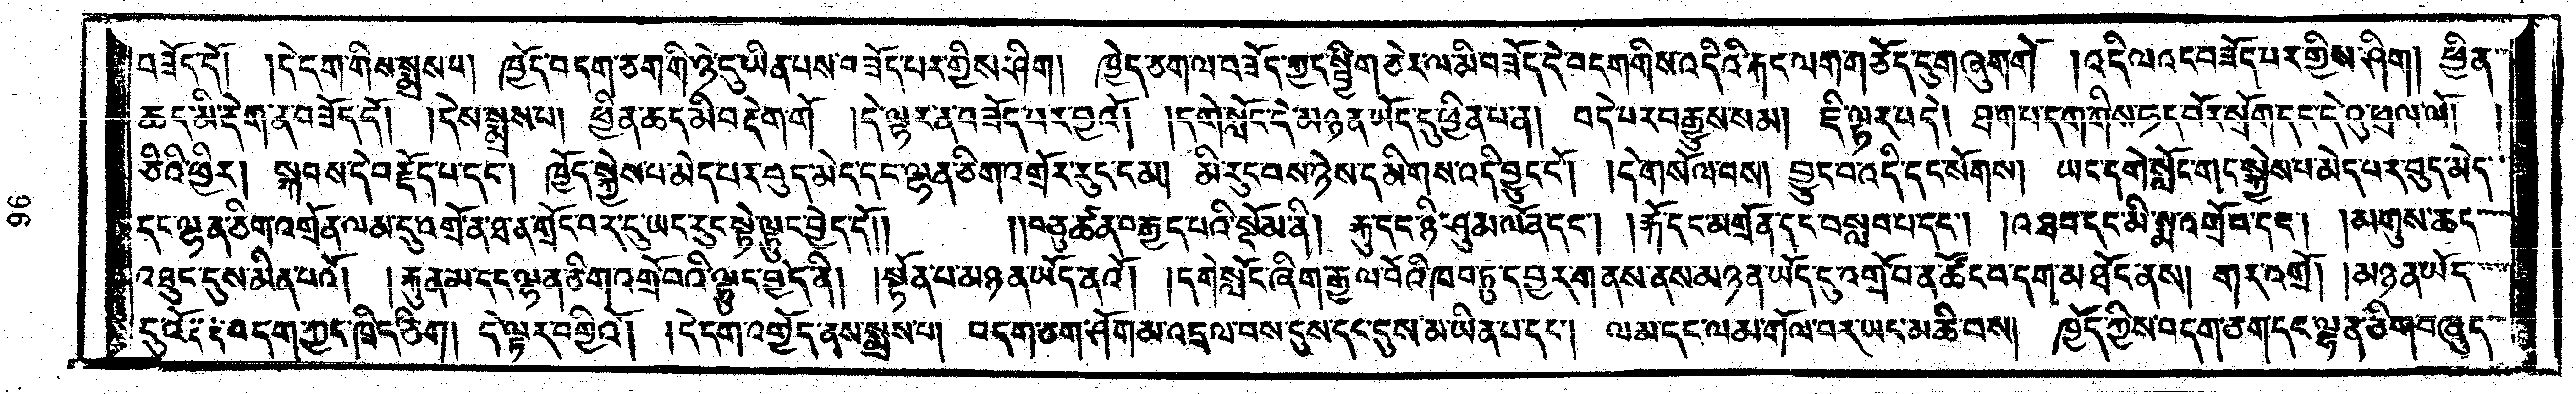བཟོད་དོ། །དེ་དག་གིས་སྨྲས་པ། ཁྱོད་བདག་ཅག་གི་ཉེ་དུ་ཡིན་པས་བཟོད་པར་གྱིས་ཤིག། ཁྱེད་ཅག་ལ་བཟོད་ཀྱང་སྦྱི་གཅེར་ལ་མི་བཟོད་དེ་བདག་གིས་འདིའི་རྐང་ལག་གཅོད་དུ་གཞུག་གོ །འདི་ལའང་བཟོད་པར་གྱིས་ཤིག། ཕྱིན་
ཆད་མི་རྡེག་ན་བཟོད་དོ། །དེས་སྨྲས་པ། ཕྱིན་ཆད་མི་བརྡེག་གོ །དེ་ལྟར་ན་བཟོད་པར་བྱའོ། །དགེ་སློང་དེ་མཉན་ཡོད་དུ་ཕྱིན་པ་ན། བདེ་པར་བརྒྱུས་སམ། ཇི་ལྟར་པ་དེ། ཐ་ག་པ་དག་གིས་ཧད་བོར་སྲོག་དང་དེའུ་ཕྲལ་ལོ། །
ཅིའི་ཕྱིར། སྐབས་དེ་བརྗོད་པ་དང་། ཁྱོད་སྐྱེས་པ་མེད་པར་བུད་མེད་དང་ལྷན་ཅིག་འགྲོར་རུང་ངམ། མི་རུང་བས་ཉེས་དམིགས་འདི་བྱུང་ངོ། །དེ་གསོལ་བས། བྱུང་བ་འདི་དང་སོགས། ཡང་དགེ་སློང་གང་སྐྱེས་པ་མེད་པར་བུད་མེད་
དང་ལྷན་ཅིག་འགྲོན་ལམ་དུ་འགྲོ་ན་ཐ་ན་གྲོང་བར་དུ་ཡང་རུང་སྟེ་ལྟུང་བྱེད་དོ།། །།བཅུ་ཚན་བརྒྱད་པའི་སྡོམ་ནི། རྐུ་དང་ཉི་ཤུ་མ་ལོན་དང་། །རྐོ་དང་མགྲོན་དང་བསླབ་པ་དང་། །འཐབ་དང་མི་སྨ་འགྲོ་བ་དང་། །མགུས་ཆད་
འཐུང་དུས་མིན་པའོ། །རྐུན་མ་དང་ལྷན་ཅིག་འགྲོ་བའི་ལྟུང་བྱེད་ནི། །སྟོན་པ་མཉན་ཡོད་ནའོ། །དགེ་སློང་ཞིག་རྒྱལ་བོའི་ཁབ་ཏུ་དབྱར་གནས་ནས་མཉན་ཡོད་དུ་འགྲོ་བ་ན་ཚོང་བ་དག་མཐོང་ནས། གར་འགྲོ། །མཉན་ཡོད་
དུའོ༑ ༑བདག་ཀྱང་ཁྲིད་ཅིག། དེ་ལྟར་བགྱིའོ། །དེ་དག་འགྱོད་ནས་སྨྲས་པ། བདག་ཅག་ཤོག་མ་འདྲལ་བས་དུས་དང་དུས་མ་ཡིན་པ་དང་། ལམ་དང་ལམ་གོལ་བར་ཡང་མཆི་བས། ཁྱོད་ཀྱིས་བདག་ཅག་དང་ལྷན་ཅིག་བཞུད་